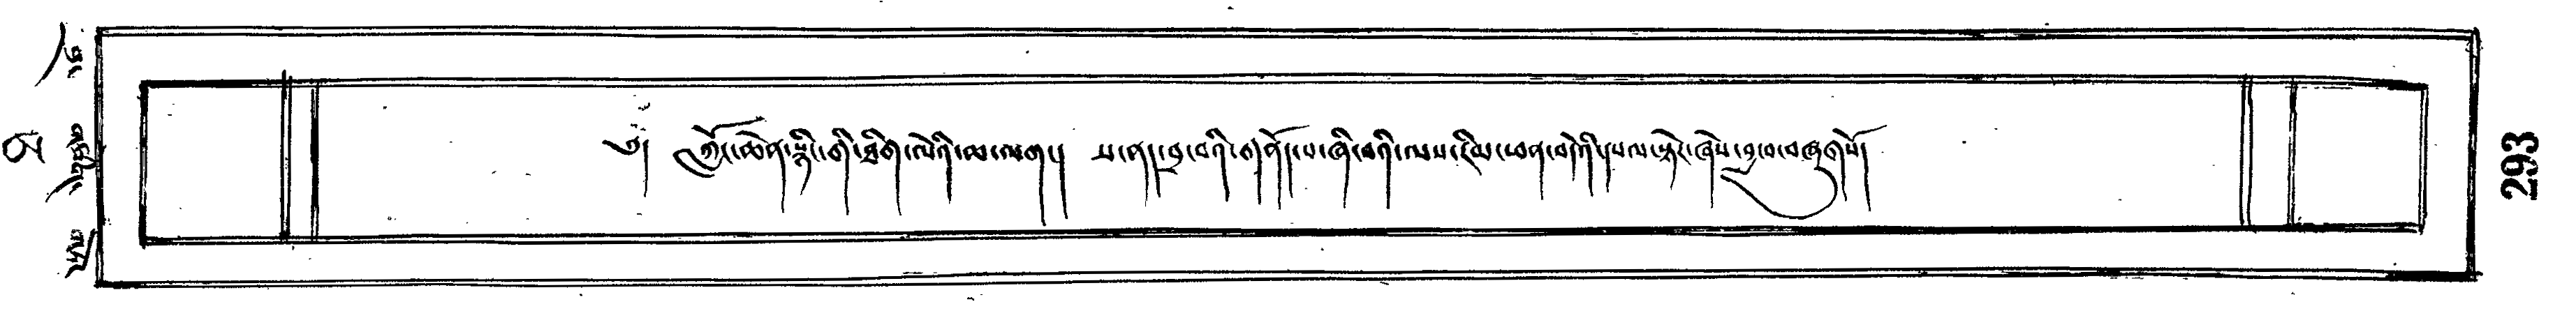༄༅། ཀློང་ཆེན་སྙིང་གི་ཐིག་ལེའི་ཆ་ལག ས་ནད་བྲ་བའི་གནོད་པ་ཞི་བའི་ལས་རིམ་ཕན་བདེའི་དཔལ་སྟེར་ཞེས་བྱ་བ་བཞུགས་སོ།